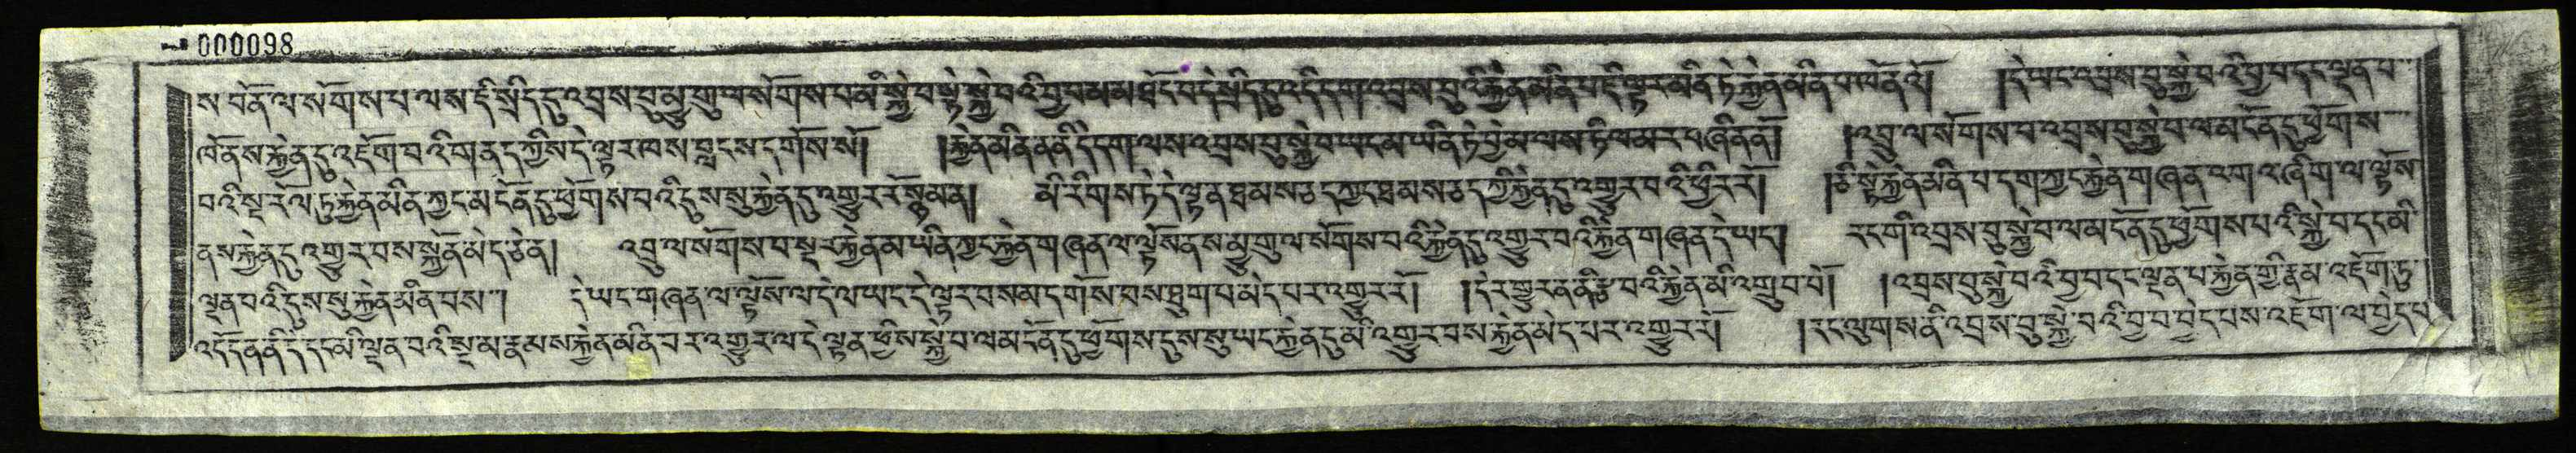ས་བོན་ལ་སོགས་པ་ལས་ཇི་སྲིད་དུ་འབྲས་བུ་མྱུ་གུ་ལ་སོགས་པ་མི་སྐྱེ་བ་སྟེ་སྐྱེ་བའི་བྱ་བ་མ་མཐོང་བ་དེ་སྲིད་དུ་འདི་དག་འབྲས་བུའི་རྐྱེན་མིན་པ་ཇི་ལྟར་མིན་ཏེ་རྐྱེན་མིན་པ་ཁོ་ནའོ། །དེ་ཡང་འབྲས་བུ་སྐྱེ་བའི་བྱ་བ་དང་ལྡན་པ་
ཁོ་ནས་རྐྱེན་དུ་འཇོག་པའི་གནད་ཀྱིས་དེ་ལྟར་ཁས་བླངས་དགོས་སོ། །རྐྱེན་མིན་ན་ནི་དེ་དག་ལས་འབྲས་བུ་སྐྱེ་བ་ཡང་མ་ཡིན་ཏེ་བྱེ་མ་ལས་ཏིལ་མར་བཞིན་ནོ། །འབྲུ་ལ་སོགས་པ་འབྲས་བུ་སྐྱེ་བ་ལ་མངོན་དུ་ཕྱོགས་
བའི་སྔ་རོལ་ཏུ་རྐྱེན་མིན་ཀྱང་མངོན་དུ་ཕྱོགས་པའི་དུས་སུ་རྐྱེན་དུ་འགྱུར་རོ་སྙམ་ན། མི་རིགས་ཏེ་དེ་ལྟ་ན་ཐམས་ཅད་ཀྱང་ཐམས་ཅད་ཀྱི་རྐྱེན་དུ་འགྱུར་བའི་ཕྱིར་རོ། །ཅི་སྟེ་རྐྱེན་མིན་པ་དག་ཀྱང་རྐྱེན་གཞན་འགའ་ཞིག་ལ་ལྟོས་
ནས་རྐྱེན་དུ་འགྱུར་བས་སྐྱོན་མེད་ཅེ་ན། འབྲུ་ལ་སོགས་པ་སྔར་རྐྱེན་མ་ཡིན་ཀྱང་རྐྱེན་གཞན་ལ་ལྟོས་ནས་མྱུ་གུ་ལ་སོགས་པའི་རྐྱེན་དུ་འགྱུར་བའི་རྐྱེན་གཞན་དེ་ཡང་། རང་གི་འབྲས་བུ་སྐྱེ་བ་ལ་མངོན་དུ་ཕྱོགས་པའི་སྐྱེ་བ་དང་མི་
ལྡན་པའི་དུས་སུ་རྐྱེན་མིན་པས། དེ་ཡང་གཞན་ལ་ལྟོས་ལ་དེ་ལ་ཡང་དེ་ལྟར་བསམ་དགོས་པས་ཐུག་པ་མེད་པར་འགྱུར་རོ། །དེར་གྱུར་ན་ནི་རྩ་བའི་རྐྱེན་མི་འགྲུབ་པོ། །འབྲས་བུ་སྐྱེ་བའི་བྱ་བ་དང་ལྡན་པ་རྐྱེན་གྱི་རྣམ་འཇོག་ཏུ་
འདོད་ན་ནི་དེ་དང་མི་ལྡན་བའི་སྔ་མ་རྣམས་རྐྱེན་མིན་པར་འགྱུར་ལ་དེ་ལྟ་ན་ཕྱིས་སྐྱེ་བ་ལ་མངོན་དུ་ཕྱོགས་དུས་སུ་ཡང་རྐྱེན་དུ་མི་འགྱུར་བས་རྐྱེན་མེད་པར་འགྱུར་རོ། །རང་ལུགས་ནི་འབྲས་བུ་སྐྱེ་བའི་བྱ་བ་བྱེད་པས་འཇོག་ལ་བྱེད་པ་